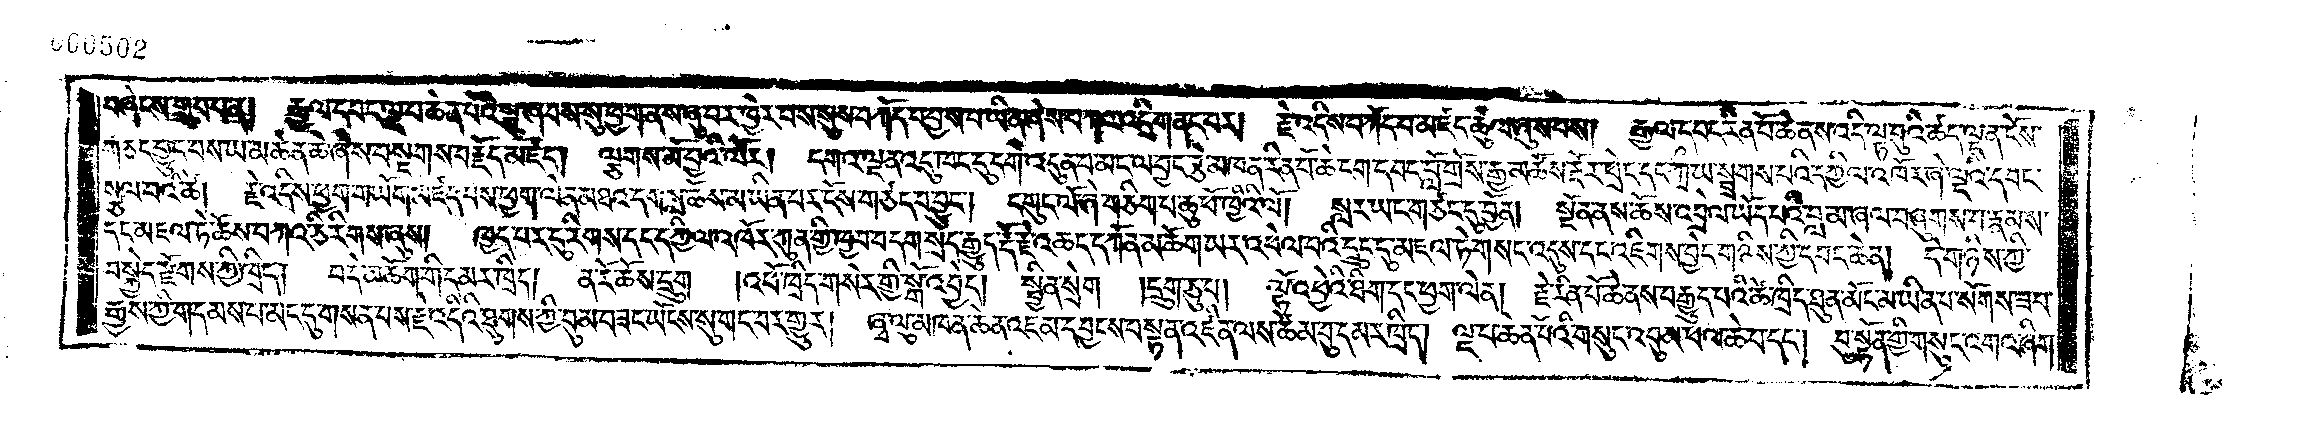བཞེངས་གྲུབ་པ་ན། རྒྱལ་དབང་ལྔ་པ་ཆེན་པོའི་སྐུ་ཞབས་སུ་ཕྱག་ནས་ཞུ་བར་ཁྱེར་བས་སུས་བཀོད་པ་བྱས་པ་ཡིན་ཞེས་བཀའ་འདྲི་གནང་བར། རྗེ་འདིས་བཀོད་པ་མཛད་ཚུལ་ཞུས་པས། རྒྱལ་དབང་རིན་པོ་ཆེ་ནས་འདི་ལྟ་བུའི་ཚད་ལྡན་ངོས་
གཙང་བྱུང་བས་ཡ་མཚན་ཆེ་ཞེས་བསྔགས་བརྗོད་མཛད། ལྕགས་མོ་བྱའི་ལོར། དགའ་ལྡན་འདུ་ཁང་དུ་དགེ་འདུན་བ་མང་ལ་བྱང་རྩེ་མཁན་རིན་པོ་ཆེ་ངག་དབང་བློ་གྲོས་རྒྱ་མཚོས་རྡོར་ཕྲེང་དང་ཀྲྀ་ཡ་སྦྲགས་པའི་དཀྱིལ་འཁོར་ཞེ་ལྔའི་དབང་
སྩལ་བའི་ཚེ། རྗེ་འདིས་ཕྱག་གཡོག་མཛད་པས་ཕྱག་ལེན་མཐའ་དག་སླ་ཆོས་མ་ཡིན་པར་ངོས་གཙང་བ་བྱུང་། དགུང་ལོ་ཞེ་གཅིག་པ་ཆུ་ཕོ་ཁྱིའི་ལོ། སླར་ཡང་གཙང་དུ་བྱོན། སྔོན་ནས་ཆོས་འབྲེལ་ཡོད་པའི་བླ་མ་ཞལ་བཞུགས་པ་རྣམས་
དང་མཇལ་ཏེ་ཆོས་བཀའ་ཅི་རིགས་ཞུས། ཁྱད་པར་དུ་རིགས་དང་དཀྱིལ་འཁོར་ཀུན་གྱི་ཁྱབ་བདག་སྲད་རྒྱུད་རྡོ་རྗེ་འཆང་དཀོན་མཆོག་ཡར་འཕེལ་བའི་དྲུང་དུ་མཇལ་ཏེ་གསང་འདུས་དང་འཇིགས་བྱེད་གཉིས་ཀྱི་དབང་ཆེན། དེ་གཉིས་ཀྱི་
བསྐྱེད་རྫོགས་ཀྱི་ཁྲིད། བདེ་མཆོག་གི་དམར་ཁྲིད། ན་རོ་ཆོས་དྲུག །འཕོ་ཁྲིད་གསེར་གྱི་སྒོ་འབྱེད། སྦྱིན་སྲེག །དྲུག་ཅུ་པ། ལྟོ་འཕྱེའི་ཐིག་དང་ཕྱག་ལེན། རྗེ་རིན་པོ་ཆེ་ནས་བརྒྱུད་པའི་ཚེ་ཁྲིད་ཐུན་མོང་མ་ཡིན་པ་སོགས་ཟབ་
རྒྱས་ཀྱི་གདམས་པ་མང་དུ་གསན་པས་རྗེ་འདིའི་ཐུགས་ཀྱི་བུམ་བཟང་ཡོངས་སུ་གང་བར་གྱུར། ཞྭ་ལུ་མཁན་ཆེན་འཇམ་དབྱངས་བསྟན་འཛིན་ལས་ཚེམ་བུད་མར་ཁྲིད། ལྔ་པ་ཆེན་པོའི་གསུང་འབུམ་ཕལ་ཆེ་བ་དང་། བུ་སྟོན་གྱི་གསུང་འགའ་ཞིག་